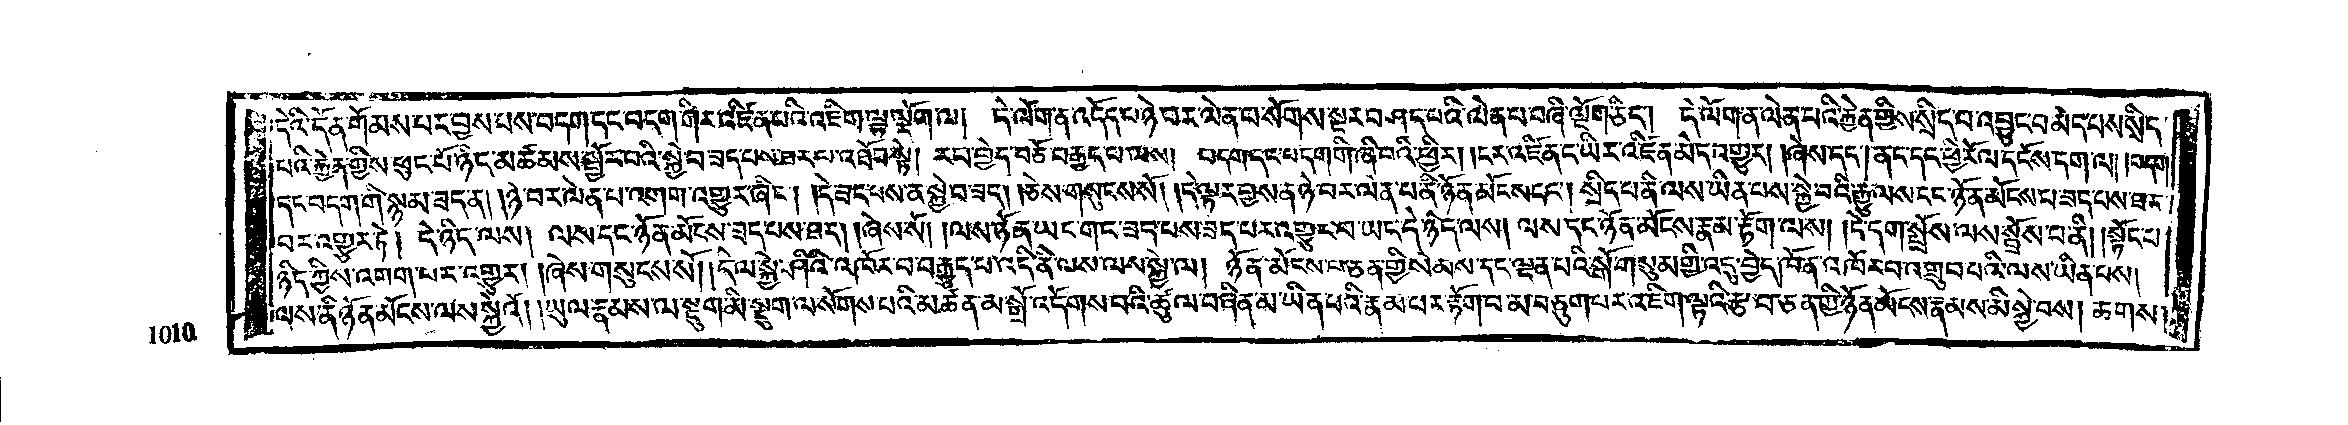དེའི་དོན་གོམས་པར་བྱས་པས་བདག་དང་བདག་གིར་འཛིན་པའི་འཇིག་ལྟ་ལྡོག་ལ། དེ་ལོག་ན་འདོད་པ་ཉེ་བར་ལེན་པ་སོགས་སྔར་བཤད་པའི་ལེན་པ་བཞི་ལྡོག་ཅིང་། དེ་ལོག་ན་ལེན་པའི་རྐྱེན་གྱིས་སྲིད་པ་འབྱུང་བ་མེད་པས་སྲིད་
པའི་རྐྱེན་གྱིས་ཕུང་པོ་ཉིང་མཚམས་སྦྱོར་བའི་སྐྱེ་བ་ཟད་པས་ཐར་པ་འཐོབ་སྟེ། རབ་བྱེད་བཅོ་བརྒྱད་པ་ལས། བདག་དང་བདག་གི་ཞི་བའི་ཕྱིར། །ངར་འཛིན་ང་ཡིར་འཛིན་མེད་འགྱུར། །ཞེས་དང་། ནང་དང་ཕྱི་རོལ་དངོས་དག་ལ། །བདག་
དང་བདག་གི་སྙམ་ཟད་ན། །ཉེ་བར་ལེན་པ་འགག་འགྱུར་ཞིང་། །དེ་ཟད་པས་ན་སྐྱེ་བ་ཟད། །ཅེས་གསུངས་སོ། །དེ་ལྟར་བྱས་ན་ཉེ་བར་ལེན་པ་ནི་ཉོན་མོངས་དང་། སྲིད་པ་ནི་ལས་ཡིན་པས་སྐྱེ་བའི་རྒྱུ་ལས་དང་ཉོན་མོངས་པ་ཟད་པས་ཐར་
བར་འགྱུར་ཏེ། དེ་ཉིད་ལས། ལས་དང་ཉོན་མོངས་ཟད་པས་ཐར། །ཞེས་སོ། །ལས་ཉོན་ཡང་གང་ཟད་པས་ཟད་པར་འགྱུར་བ་ཡང་དེ་ཉིད་ལས། ལས་དང་ཉོན་མོངས་རྣམ་རྟོག་ལས། །དེ་དག་སྤྲོས་ལས་སྤྲོས་པ་ནི། །སྟོང་པ་
ཉིད་ཀྱིས་འགག་པར་འགྱུར། །ཞེས་གསུངས་སོ། །དེ་ལ་སྐྱེ་ཤིའི་འཁོར་བ་བརྒྱུད་པ་འདི་ནི་ལས་སྐྱེ་ལ། ཉོན་མོངས་བ་ཅན་གྱི་སེམས་དང་ལྡན་པའི་སྒོ་གསུམ་གྱི་འདུ་བྱེད་ཁོ་ན་འཁོར་བ་འགྲུབ་པའི་ལས་ཡིན་པས།
ལས་ནི་ཉོན་མོངས་ལས་སྐྱེའོ། །ཡུལ་རྣམས་ལ་སྡུག་མི་སྡུག་ལ་སོགས་པའི་མཚན་མ་སྒྲོ་འདོགས་པའི་ཚུལ་བཞིན་མ་ཡིན་པའི་རྣམ་པར་རྟོག་པ་མ་བཅུག་པར་འཇིག་ལྟའི་རྩ་བ་ཅན་གྱི་ཉོན་མོངས་རྣམས་མི་སྐྱེ་བས། ཆགས་